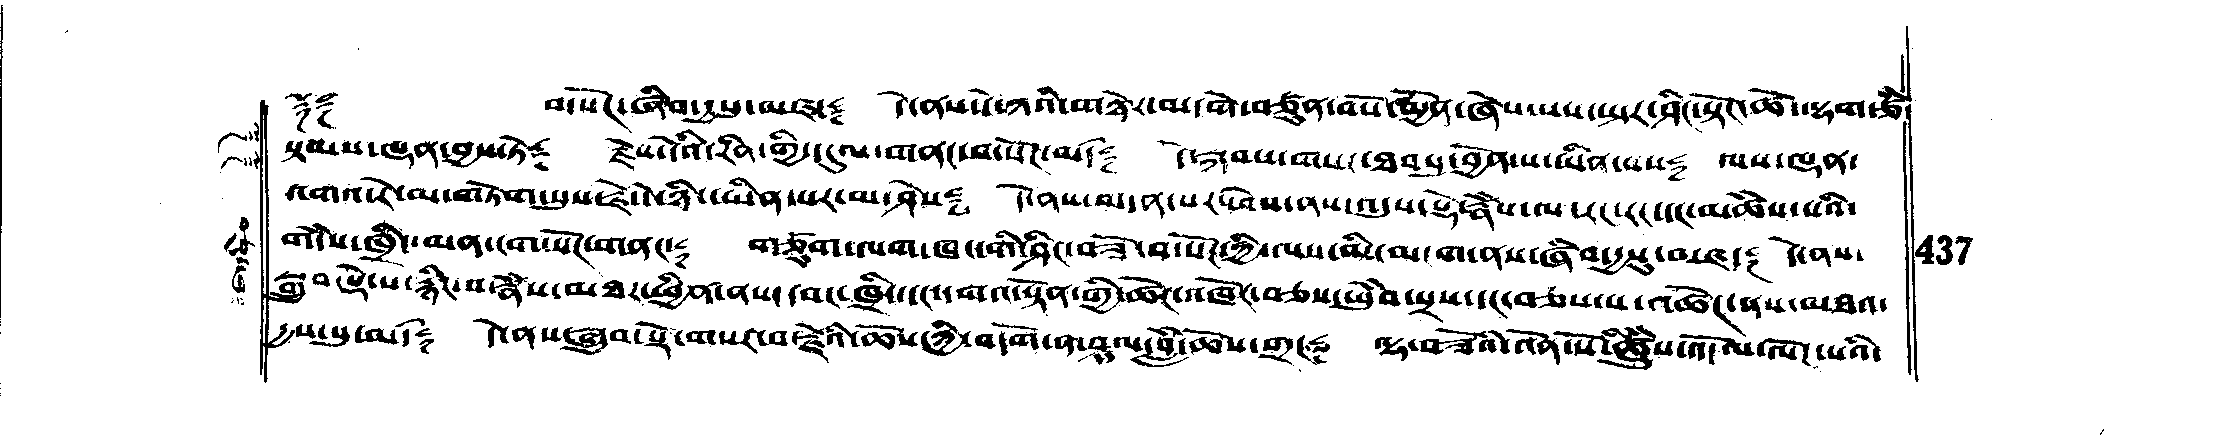བ་སོགས་ཞིབ་རྒྱས་སུ་མཛད། དེ་ནས་དེ་ཀའི་གཉེར་མ་དགེ་བཙུན་བསོ་སྨྱོན་ཞེས་པས་སྤར་ཤིང་སྟོང་ཚོ་ལྷག་ཙམ་
སྟབས་ལྡན་བྱས་ཏེ། རྗེས་དེའི་རིན་གྱི་དངུལ་གནང་བ་སོགས་མཛད། དེ་སྐབས་གསང་ཐབས་སུ་བྱོན་པ་ཡིན་པས། ལས་ལྡན་
འགའ་རེ་མ་གཏོགས་སུས་རྗེ་དེ་ཉིད་ཡིན་པར་མ་ཤེས། དེ་ནས་གདན་སར་ཕེབས་ནས་འདུས་སྡེ་རྣམས་ལ་རང་རང་དང་འཚམས་པའི་
གདམས་ཁྲིད་མན་ངག་སོགས་གནང་། གཙུག་ལག་ཁང་གི་ཤིང་བཟོ་བ་སོགས་ཀྱི་ལས་མི་མངག་ནས་ཞིབ་རྒྱས་སུ་མཛད། དེ་ནས་
སྒྲུབ་སྡེ་བ་རྙིང་པ་རྣམས་མཐར་ཕྱིན་ནས་དབང་ཁྲིད་དང་དགའ་སྟོན་གྱི་ཚོགས་འཁོར་བཅས་ཡབ་ཡུམ་སྲས་དང་བཅས་པ་ཚོགས་ནས་མཐའ་
རྒྱས་སུ་མཛད། དེ་ནས་སྒྲུབ་སྡེ་གསར་པ་རྗེའི་ཆོས་ཀྱི་བདག་པོ་ཧ་ཤུལ་བླ་མ་ཆོས་གྲགས། ལྷ་བཟོའི་འོན་པོ་ཚུལ་ཁྲིམས་འོད་གསལ་ལ་སོགས་པའི་